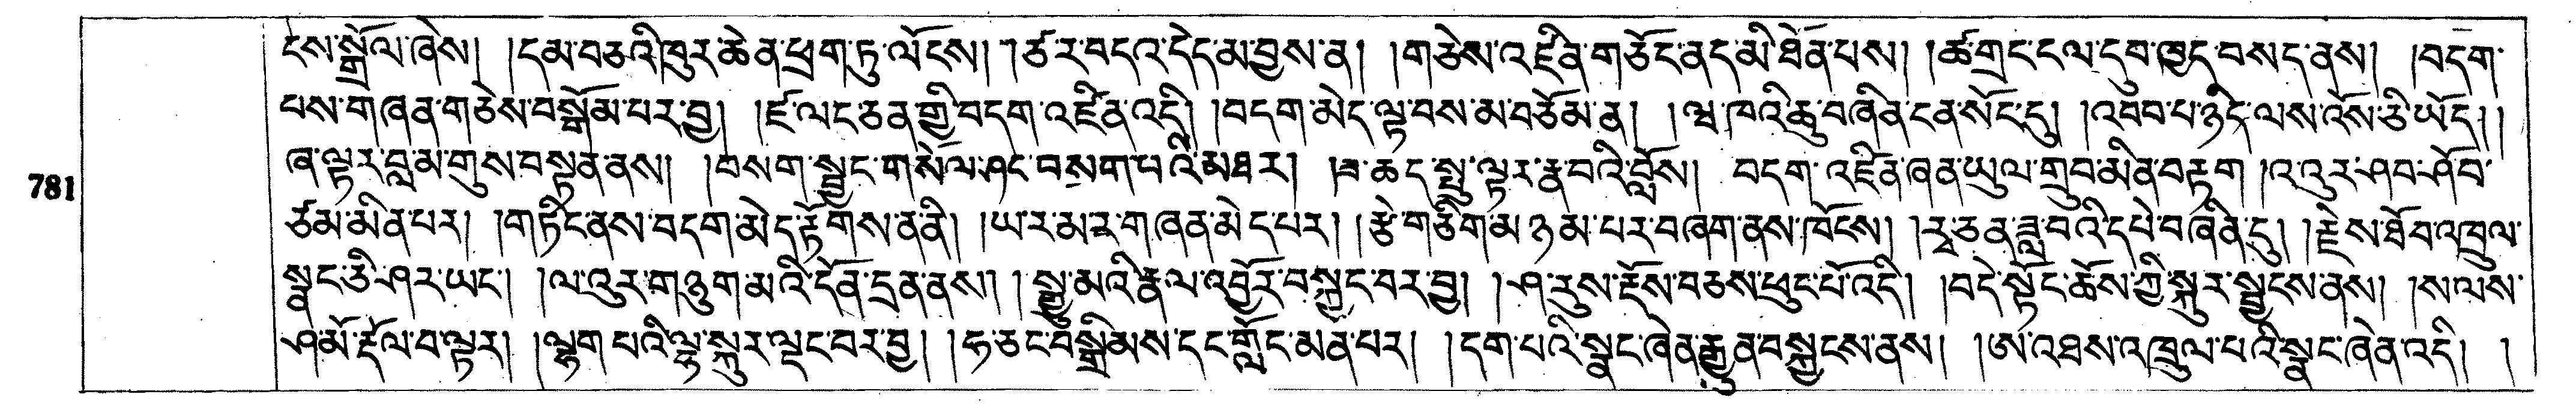ངས་སྒྲོལ་ཞེས། །དམ་བཅའི་ཁུར་ཆེན་ཕྲག་ཏུ་ལོངས། །ཙ་ར་བདའ་དེད་མ་བྱས་ན། །གཅེས་འཛིན་གཅོང་ནད་མི་ཐོན་པས། །ཚ་གྲང་ངལ་དུབ་ཁྱད་བསད་ནས། །བདག་
པས་གཞན་གཅེས་བསྒོམ་པར་བྱ། །ཛ་ལང་ཅན་གྱི་བདག་འཛིན་འདི། །བདག་མེད་ལྟ་བས་མ་བཅོམ་ན། །ཝ་ཁའི་ཆུ་བཞིན་ངན་སོང་དུ། །འབབ་པ་ཉིད་ལས་འོས་ཅི་ཡོད།།
ཞ་ལྟར་བླ་མ་གུས་བསྟན་ནས། །བསག་སྦྱང་གསོལ་ཤང་བསག་པའི་མཐར། །ཟ་ཆད་སྤུ་ལྟར་རྣ་བའི་བློས། བདག་འཛིན་ཞན་ཡུལ་གྲུབ་མིན་བརྟག །འ་འུར་ཤབ་ཤོབ་
ཙམ་མིན་པར། །གཏིང་ནས་བདག་མེད་རྟོགས་ན་ནི། །ཡ་ར་མ་ར་གཞན་མེད་པར། །རྩེ་གཅིག་མཉམ་པར་བཞག་ནས་ཁོངས། །རྭ་ཅན་ཟླ་བའི་དཔེ་བཞིན་དུ། །རྗེས་ཐོབ་འཁྲུལ་
སྣང་ཅི་ཤར་ཡང་། །ལ་འུར་གཉུག་མའི་དོན་དྲན་ནས། །སྒྱུ་མའི་རྣལ་འབྱོར་བསྐྱང་བར་བྱ། །ཤ་རུས་རྡོས་བཅས་ཕུང་པོ་འདི། །བདེ་སྟོང་ཆོས་ཀྱི་སྐུར་སྦྱངས་ནས། །ས་ལས་
ཤ་མོ་རྡོལ་བ་ལྟར། །ལྷག་པའི་ལྷ་སྐུར་ལྡང་བར་བྱ། །ཧ་ཅང་བསྒྲིམས་དང་གློང་མན་པར། །དག་པའི་སྣང་ཞེན་རྒྱུན་བསྐྱངས་ནས། །ཨ་འཐས་འཁྲུལ་པའི་སྣང་ཞེན་འདི། །